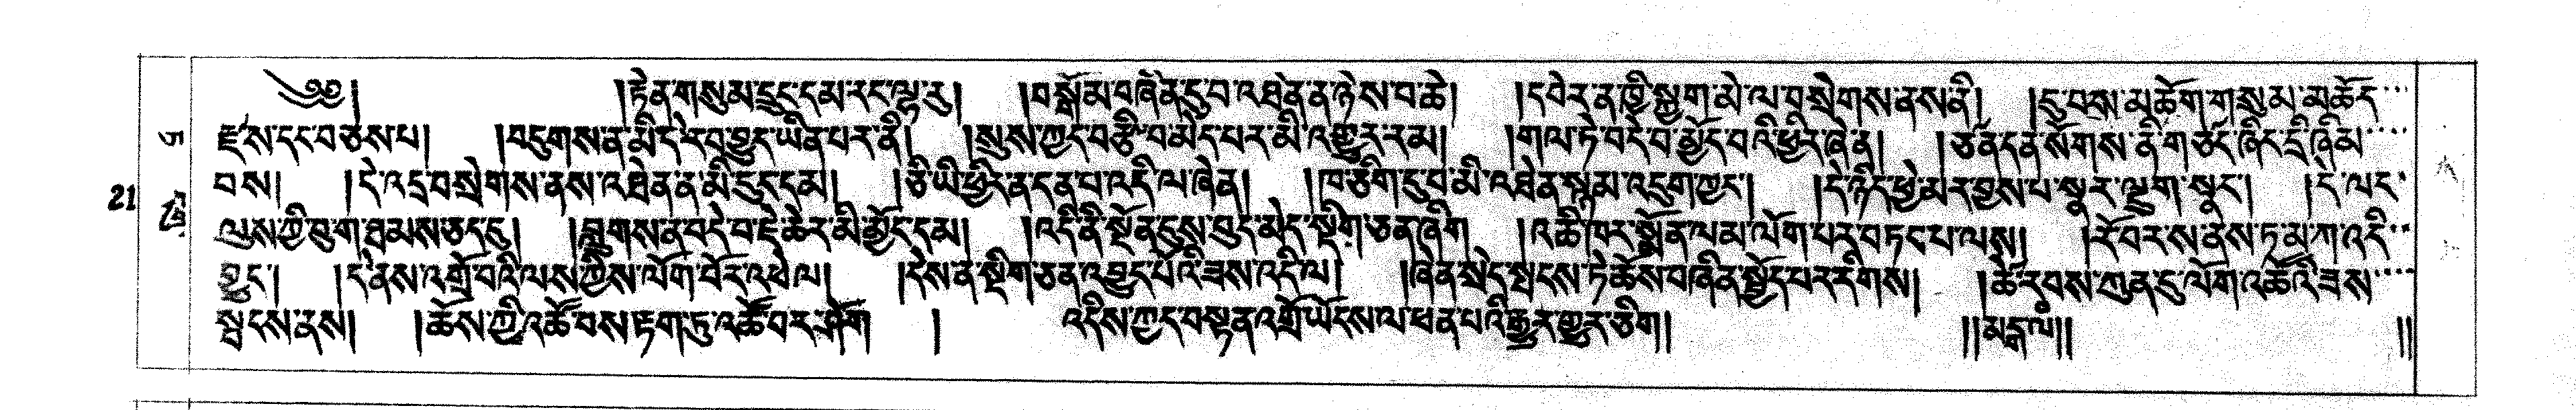༄༅། །རྟེན་གསུམ་དྲུང་དམ་རང་ལྷ་རུ། །བསྒོམ་བཞིན་དུ་བ་འཐེན་ན་ཉེས་བ་ཆེ། །དབེར་ན་ཁྱི་སྐྱག་མེ་ལ་བསྲེགས་ནས་ནི། །དུ་བས་མཆོག་གསུམ་མཆོད་
རྫས་དང་བཅས་པ། །བདུགས་ན་མི་དེ་རབ་བྱུང་ཡིན་པར་ནི། །སུས་ཀྱང་བརྩི་བ་མེད་པར་མི་འགྱུར་རམ། །གལ་ཏེ་བདེ་བ་མྱོང་བའི་ཕྱིར་ཞེ་ན། །ཙན་དན་སོགས་ནི་གཙང་ཞིང་དྲི་ཞིམ་
བས། །དེ་འདྲ་བསྲེགས་ནས་འཐེན་ན་མི་དུད་དམ། །ཅི་ཡི་ཕྱིར་ན་ངན་པ་འདི་ལ་ཞེན། །ཁ་ཅིག་དུ་བ་མི་འཐེན་སྙམ་འདུག་ཀྱང་། །དེ་ཉིད་ཕྱེ་མར་བྱས་པ་སྣར་ལྡུག་སྣང་། །དེ་ལང་
ལུས་ཀྱི་བུ་ག་ཐམས་ཅད་དུ། །བླུགས་ན་བདེ་བ་ཇེ་ཆེར་མི་མྱོང་དམ། །འདི་ནི་སྔོན་དུས་བུད་མེད་སྡིག་ཅན་ཞིག །འཆི་ཁར་སྨོན་ལམ་ལོག་པར་བཏབ་པ་ལས། །རོ་བར་ས་ནས་ཏ་མ་ཀ་འདི་
བྱུང་། །དེ་ནས་འགྲོ་བའི་ལས་ཀྱིས་ལོག་བོར་འཕེལ། །དེས་ན་སྡིག་ཅན་འབྱུང་པོའི་ཟས་འདི་ལ། །ཞེན་སྲེད་སྤངས་ཏེ་ཆོས་བཞིན་སྤྱོད་པར་རིགས། །ཚེ་རབས་ཀུན་དུ་ལོག་འཚོའི་ཟས་
སྦངས་ནས། །ཆོས་ཀྱི་འཚོ་བས་རྟག་ཏུ་འཚོ་བར་ཤོག ། འདིས་ཀྱང་བསྟན་འགྲོ་ཡོངས་ལ་ཕན་པའི་རྒྱུར་གྱུར་ཅིག། །།མངྒ་ལཾ།། །།